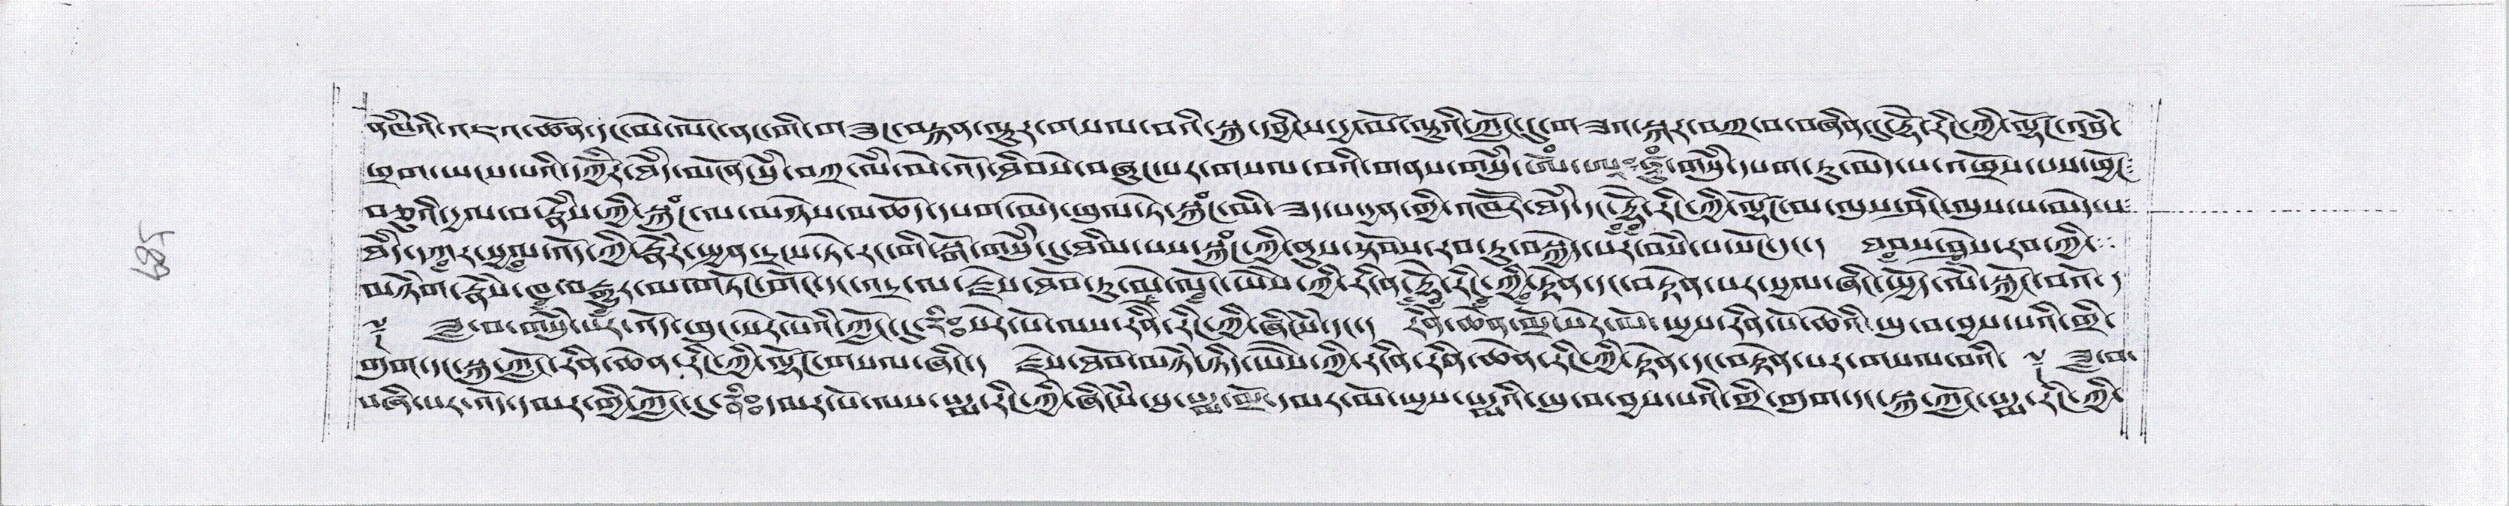ནམ་མཁའི་འཇའ་ཚོན་དང་མེ་ལོང་ནང་གི་གཟུགས་བརྙན་ལྟ་བུར་གསལ་བའི་སྐུ་དབྱིངས་རྒྱ་མཚོ་ལྟ་བུའི་ཀློང་དུ་གཟའ་སྐར་བཀྲ་བ་བཞིན་དུ་རྡོ་རྗེ་རིགས་ཀྱི་ལྷ་ཚོགས་འབུམ་
ཕྲག་ཡངས་པའི་དཀྱིལ་འཁོར་ཐམས་ཅད་མངོན་སུམ་བཀྲ་ལམ་མེ་འོད་ཐིབས་སེ་བཞུགས་པར་གསལ་བའི་གནས་གསུམ་ཨོཾ་ཨཱཿཧཱུཾ་གསུམ་དཔག་ཏུ་མེད་པ་འཕྲོས་པས་ཕྱོགས་
བཅུའི་རྒྱལ་བ་རྣམས་ཀྱི་སྐུ་གསུང་ཐུགས་ལ་མཉེས་མཆོད་དཔག་མེད་ཕུལ་ཏེ་སྐུ་གསུང་ཐུགས་མི་བཟད་རྒྱན་གྱི་འཁོར་ལོ་ཐམས་ཅད་དང་རྡོ་རྗེ་རིགས་ཀྱི་ལྷ་ཚོགས་མ་ལུས་ཤིང་ལུས་པ་མེད་པ་
ཐམས་ཅད་དཀར་གསལ་འོད་ཀྱི་རྣམ་པར་སྤྱན་དྲངས་ཏེ་རང་གི་སྒོ་གསུམ་དུ་ཐིམ་པས་སྐུ་གསུང་ཐུགས་ཀྱི་ནུས་སྟོབས་རབ་ཏུ་བསྐྱེད་པར་བསམ་པ་སོགས་དང་། ཐབས་ཤེས་རབ་ཀྱི་
མཉམ་གཞག་རྣམས་ཁ་སྒྱུར་མ་གཏོང་གོང་དང་འདྲ་ལ་རྗེས་ཐོབ་ཏུ་མེ་ལོང་ཡེ་ཤེས་ཀྱི་རང་བཞིན་རྡོ་རྗེ་རིགས་ཀྱི་རྟེན་དང་བརྟེན་པར་གསལ་ཞིང་སྤྱོད་ལམ་སྐྱོང་བའོ།། 
༧ ཟླ་བ་གསུམ་པར་འོད་ཕུང་སེར་པོའི་ཀློང་དུ་རིཿསེར་པོ་ལས་རིན་ཆེན་རིགས་ཀྱི་ཞིང་ཁམས་དང་། རིན་ཆེན་མཁའ་འགྲོ་སེར་མོ་གཡས་རིན་པོ་ཆེའི་ཡུ་བ་བྱས་པའི་གྲི་
གུག་དང་སྐུ་ཀློང་རིན་ཆེན་རིགས་ཀྱི་ལྷ་ཚོགས་གསལ་ཞིང་། རྗེས་ཐོབ་མཉམ་ཉིད་ཡེ་ཤེས་ཀྱི་རང་བཞིན་རིན་ཆེན་རིགས་ཀྱི་རྟེན་དང་བརྟེན་པར་གསལ་བའི། ༧ ཟླ་བ་
བཞི་པར་འོད་དམར་གྱི་ཀློང་དུ་ནིཿདམར་པོ་ལས་པདྨ་རིགས་ཀྱི་ཞིང་ཁམས་སུ་པདྨ་མཁའ་འགྲོ་དམར་མོ་གཡས་པདྨའི་ཡུ་བ་བྱས་པའི་གྲི་གུག་དང་སྐུ་ཀློང་པདྨ་རིགས་ཀྱི་